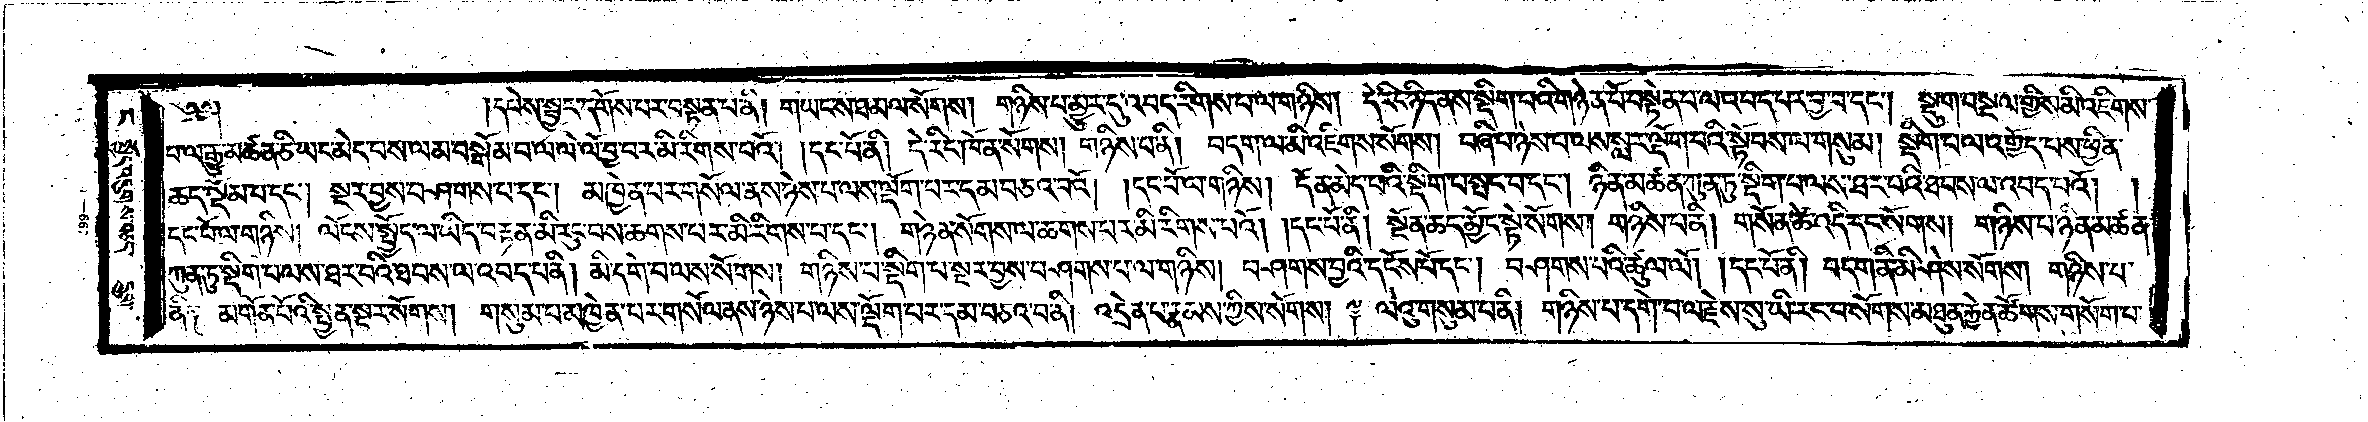༄༅། །དཔེས་སྦྱང་དགོས་པར་བསྟན་པ་ནི། གཡང་ས་ཐ་མལ་སོགས། གཉིས་པ་མྱུར་དུ་འབད་རིགས་པ་ལ་གཉིས། དེ་རིང་ཉིད་ནས་སྡིག་པའི་གཉེན་པོ་བསྟེན་པ་ལ་འབད་པར་བྱ་བ་དང་། སྡུག་བསྔལ་གྱིས་མི་འཇིགས་
བ་ལ་རྒྱུ་མཚན་ཅི་ཡང་མེད་པས་ལམ་བསྒོམ་པ་ལ་ལེ་ལོ་བྱ་བར་མི་རིགས་པའོ། །དང་པོ་ནི། དེ་རིང་ཁོ་ན་སོགས། གཉིས་པ་ནི། བདག་ལ་མི་འཇིགས་སོགས། བཞི་པ་ཉེས་པ་ལས་སླར་ལྡོག་པའི་སྟོབས་ལ་གསུམ། སྡིག་པ་ལ་འགྱོད་པས་ཕྱིན་
ཆད་སྡོམ་པ་དང་། སྔར་བྱས་བཤགས་པ་དང་། མཁྱེན་པར་གསོལ་ནས་ཉེས་པ་ལས་ལྡོག་པར་དམ་བཅའ་བའོ། །དང་པོ་ལ་གཉིས། དོན་མེད་པའི་སྡིག་པ་སྤང་བ་དང་། ཉིན་མཚན་ཀུན་ཏུ་སྡིག་པ་ལས་ཐར་བའི་ཐབས་ལ་འབད་པའོ། །
དང་པོ་ལ་གཉིས། ལོངས་སྤྱོད་ལ་ཡིད་བརྟན་མི་རུང་བས་ཆགས་པར་མི་རིགས་པ་དང་། གཉེན་སོགས་ལ་ཆགས་པར་མི་རིགས་པའོ། །དང་པོ་ནི། སྔོན་ཆད་མྱོང་སྟེ་སོགས། གཉིས་པ་ནི། གསོན་ཚེ་འདི་དང་སོགས། གཉིས་པ་ཉིན་མཚན་
ཀུན་ཏུ་སྡིག་པ་ལས་ཐར་བའི་ཐབས་ལ་འབད་པ་ནི། མི་དགེ་བ་ལས་སོགས། གཉིས་པ་སྡིག་པ་སྔར་བྱས་བཤགས་པ་ལ་གཉིས། བཤགས་བྱའི་དངོས་པོ་དང་། བཤགས་པའི་ཚུལ་ལོ། །དང་པོ་ནི། བདག་ནི་མི་ཤེས་སོགས། གཉིས་པ་
ནི༑ མགོན་པོའི་སྤྱན་སྔར་སོགས། གསུམ་པ་མཁྱེན་པར་གསོལ་ནས་ཉེས་པ་ལས་ལྡོག་པར་དམ་བཅའ་བ་ནི། འདྲེན་པ་རྣམས་ཀྱིས་སོགས། ༈ ལེའུ་གསུམ་པ་ནི། གཉིས་པ་དགེ་བ་ལ་རྗེས་སུ་ཡི་རང་བ་སོགས་མཐུན་རྐྱེན་ཚོགས་གསོག་པ་